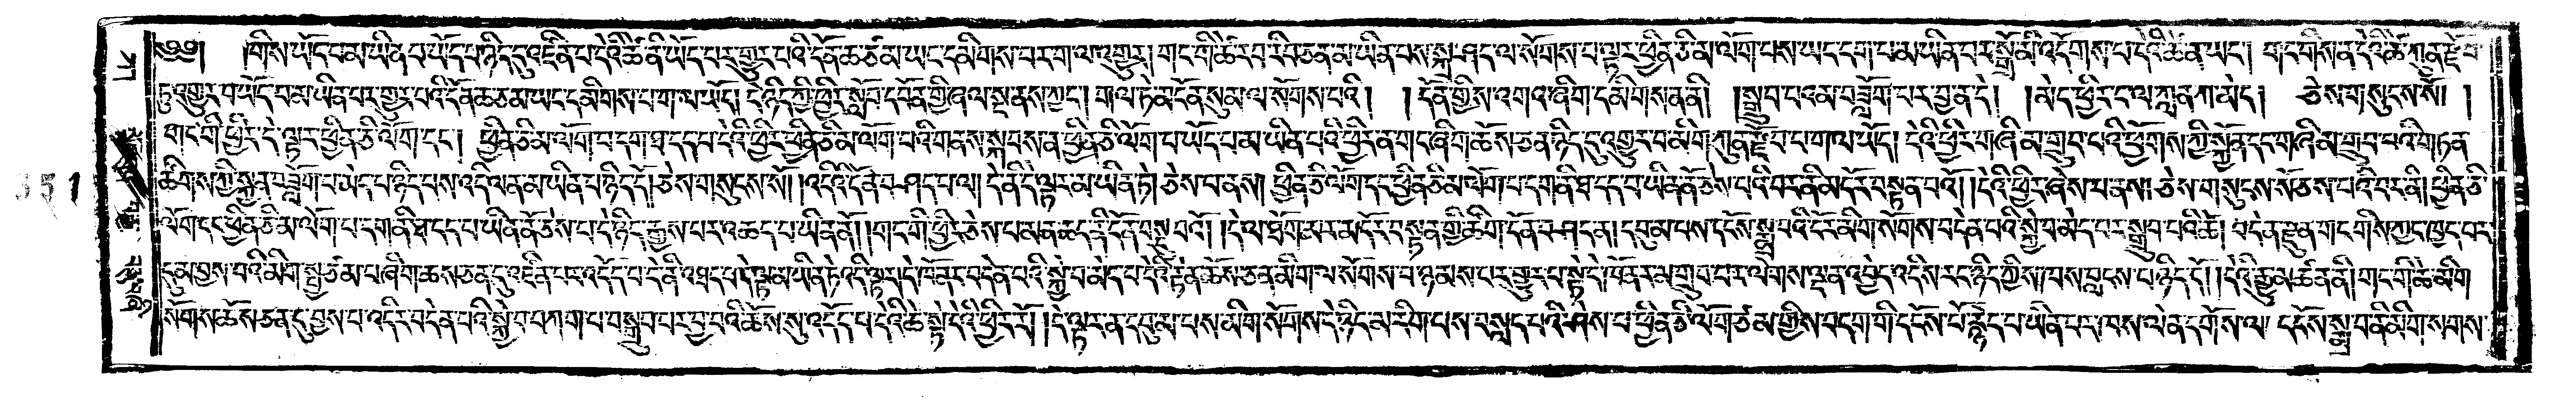༄༅། །གིས་ཡོད་པ་མ་ཡིན་པ་ཡོད་པ་ཉིད་དུ་འཛིན་པ་དེའི་ཚེ་ནི་ཡོད་པར་གྱུར་པའི་དོན་ཆ་ཙམ་ཡང་དམིགས་བར་ག་ལ་འགྱུར། གང་གི་ཚེ་རབ་རིབ་ཅན་མ་ཡིན་པས་སྐྲ་ཤད་ལ་སོགས་པ་ལྟར་ཕྱིན་ཅི་མ་ལོག་པས་ཡང་དག་པ་མ་ཡིན་བར་སྒྲོ་མི་འདོགས་པ་དེའི་ཚེ་ན་ཡང་། གང་གིས་ན་དེའི་ཆོ་ཀུན་རྫོབ་
ཏུ་འགྱུར་བ་ཡོད་པ་མ་ཡིན་བར་གྱུར་པའི་དོན་ཆ་ཅམ་ཡང་དམིགས་པ་ག་ལ་ཡོད། དེ་ཉིད་ཀྱི་ཕྱིར་སློབ་དཔོན་གྱི་ཞལ་སྔ་ནས་ཀྱང་། གལ་ཏེ་མངོན་སུམ་ལ་སོགས་པའི། །དོན་གྱིས་འགའ་ཞིག་དམིགས་ན་ནི། །སྒྲུབ་པའམ་བཟློག་པར་བྱ་ན་དེ། །མེད་ཕྱིར་ང་ལ་ཀླན་ཀ་མེད། ཅེས་གསུངས་སོ། །
གང་གི་ཕྱིར་དེ་ལྟར་ཕྱིན་ཅི་ལོག་དང་། ཕྱིན་ཅི་མ་ལོག་བདག་ཐ་དད་པ་དེའི་ཕྱིར་ཕྱིན་ཅི་མ་ལོག་པའི་གནས་སྐབས་ན་ཕྱིན་ཅི་ལོག་པ་ཡོད་པ་མ་ཡིན་པའི་ཕྱིར་ན་གང་ཞིག་ཆོས་ཅན་ཉིད་དུ་འགྱུར་བ་མིག་ཀུན་རྫོབ་པ་གལ་ཡོད། དེའི་ཕྱིར་གཞི་མ་གྲུབ་པའི་ཕྱོགས་ཀྱི་སྐྱོན་དང་གཞི་མ་གྲུབ་པའི་གཏན་
ཚིགས་ཀྱི་སྐྱན་བཟློག་པ་མེད་པ་ཉིད་པས་འདི་ལན་མ་ཡིན་པ་ཉིད་དོ། ཅེས་གསུངས་སོ། །འདིའི་དོན་བཤད་པ་ལ། དེ་ནི་དེ་ལྟར་མ་ཡིན་ཏེ། ཅེས་པ་ནས། ཕྱིན་ཅི་ལོག་དང་ཕྱིན་ཅི་མ་ལོག་པ་དག་ནི་ཐ་དད་པ་ཡིན་ནོ་ཅེས་པའི་བར་ནི་མདོར་བསྟན་པའོ། །དེའི་ཕྱིར་ཞེས་པ་ནས། ཅེས་གསུངས་སོ་ཅས་པའི་བར་ནི། ཕྱིན་ཅི་
ལོག་དང་ཕྱིན་ཅི་མ་ལོག་པ་དག་ནི་ཐ་དད་པ་ཡིན་ནོ་ཅེས་པ་དེ་ཉིད་རྒྱས་པར་འཆད་པ་ཡིན་ནོ། །གང་གི་ཕྱིར་ཅེས་པ་མན་ཆད་ནི་དོན་བསྡུ་བའོ། །དེ་ལ་ཐོག་མར་མདོར་བསྟན་གྱི་ཚིག་དོན་བཤད་ན། དབུ་མ་པས་དངོས་སྨྲ་བའི་དོར་མིག་སོགས་བདེན་པའི་སྐྱེ་བ་མེད་པར་སྒྲུབ་པའི་ཚེ། བདེན་རྫུན་གང་གིས་ཀྱང་ཁྱད་པར་
དུ་མ་བྱས་པའི་མིག་སྤྱ་ཙམ་པ་ཞིག་ཆས་ཅན་དུ་འཛིན་པར་འདོད་པ་དེ་ནི་འཐད་བདེ་ལྟ་མ་ཡིན་ཏེ་འདི་ལྟར། དེ་ཁོ་ནར་བདེན་པའི་སྐྱེ་བ་མེད་པ་དེའི་རྟེན་ཆོས་ཅན་མིག་ལ་སོགས་བ་ཉམས་པར་གྱུར་པ་སྟེ་དེ་ཁོ་ནར་མ་གྲུབ་པར་ལེགས་ལྡན་འབྱེད་འདིས་རང་ཉིད་ཀྱིས་ཁས་བླངས་པ་ཉིད་དོ། །དེའི་རྒྱུ་མཚན་ནི། གང་གི་ཆེ་མིག་
སོགས་ཆོས་ཅན་དུ་བྱས་པ་འདིར་བདེན་པའི་སྐྱེ་བ་བཀག་པ་བསྒྲུབ་པར་བྱ་བའི་ཆོས་སུ་འདོད་པ་དེའི་ཆེ་སྟེ་དེའི་ཕྱིར་རོ། །དེ་ལྟར་ན་དབུ་མ་པས་མིག་སོགས་དེ་ཉིད་མ་རིག་པས་བསླད་པའི་ཤེས་པ་ཕྱིན་ཅི་ལོག་ཙམ་གྱིས་བདག་གི་དངོས་པོ་རྙེད་པ་ཡིན་པར་ཁས་ལེན་དགོས་ལ། དངོས་སྨྲ་བ་ནི་མིག་སགས་